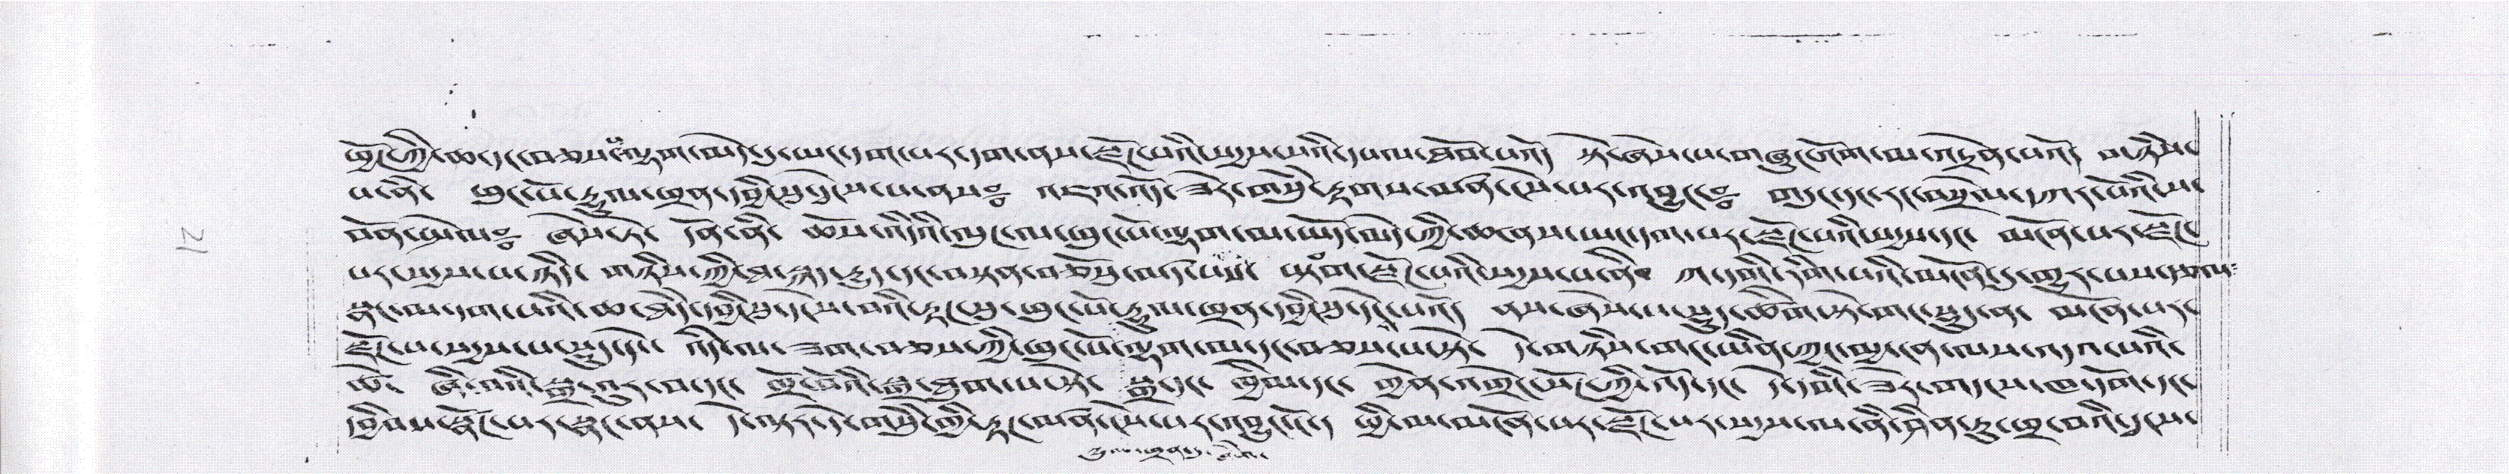ཕྱོགས་ཀྱི་ཆ་དང་བཅས་པ་ལྷག་མེད་དུ་ཡང་དག་པར་དག་ནས་རྫོགས་པའི་སངས་རྒྱས་ས་ཡི་དཔལ་ཐོབ་པའོ། སྟེ་ཞེས་པ་གཞུང་འོག་མ་འདྲེན་པའོ། གཉིས་
པ་ནི། ཕུང་པོ་རྡུལ་ཕྲན་དབྱིངས་སུ་དེངས་པ་ནསཿ འཇའ་འོད་ཟེར་གསུམ་རྟགས་མཚན་ངེས་པར་འབྱུངཿ གདུང་དང་རིང་བསྲེལ་དཀར་པོའི་ས་
བོན་སྤེལཿ ཞེས་ཏེ། དོན་ནི། ཆོས་འདིའི་ལུགས་ལ་ཕུང་པོ་ལྷག་མ་ཡོད་མེད་ཀྱི་ཆ་ནས་ཡང་དག་པར་རྫོགས་པའི་སངས་རྒྱས་དང་། མངོན་པར་རྫོགས་
པར་སངས་རྒྱས་པ་ཉིད་གཉིས་ཀྱི་ཐ་སྙད་རྒྱུད་དང་བསྟན་བཅོས་སུ་མཛད་པས། ཡང་དག་རྫོགས་པའི་སངས་རྒྱས་པ་ནི། ཀ་དག་གི་རིག་པ་མངོན་དུ་གྱུར་པས་རྩལ་
སྣང་མ་དག་པའི་ཆ་ཐམས་ཅད་དབྱིངས་སུ་དེངས་པའི་རྟགས་སུ་ཕུང་པོ་རྡུལ་ཕྲན་དབྱིངས་སུ་དེངས་པའོ། ནས་ཞེས་པ་སྡུད་ཚིག་སྟེ་གང་སྡུད་ན་མངོན་པར་
རྫོགས་པ་སངས་རྒྱས་པ་སྡུད་དེ། འདི་ལ་ཟག་བཅས་ཀྱི་ཕུང་པོ་ལྷག་མ་དང་བཅས་པ་སྟེ། དེ་གཉིས་གང་ཡིན་ཀྱང་མྱ་ངན་ལས་འདའ་བའི་
ཚེ། ཞི་བའི་སྒྲ་འུར་བ་དང་། ཁྲོ་བོའི་སྒྲ་ཐུག་པ་སྟེ་སྒྲ་དང་ཁྱིམ་དང་གྱེན་འགྲེང་སོགས་ཀྱི་འོད་དང་། དེ་དག་གི་ཟེར་གདངས་ཁ་དོག་དང་
དབྱིབས་སྣ་ཚོགས་པར་སྣང་ནས། དེ་ལྟར་དེ་གསུམ་གྱི་རྟགས་མཚན་ངེས་པར་འབྱུང་ངོ་། ཕྱི་མ་མངོན་པར་རྫོགས་པར་སངས་རྒྱས་ལ་ནི་ཤིན་ཏུ་ཕྲ་བའི་དྭངས་